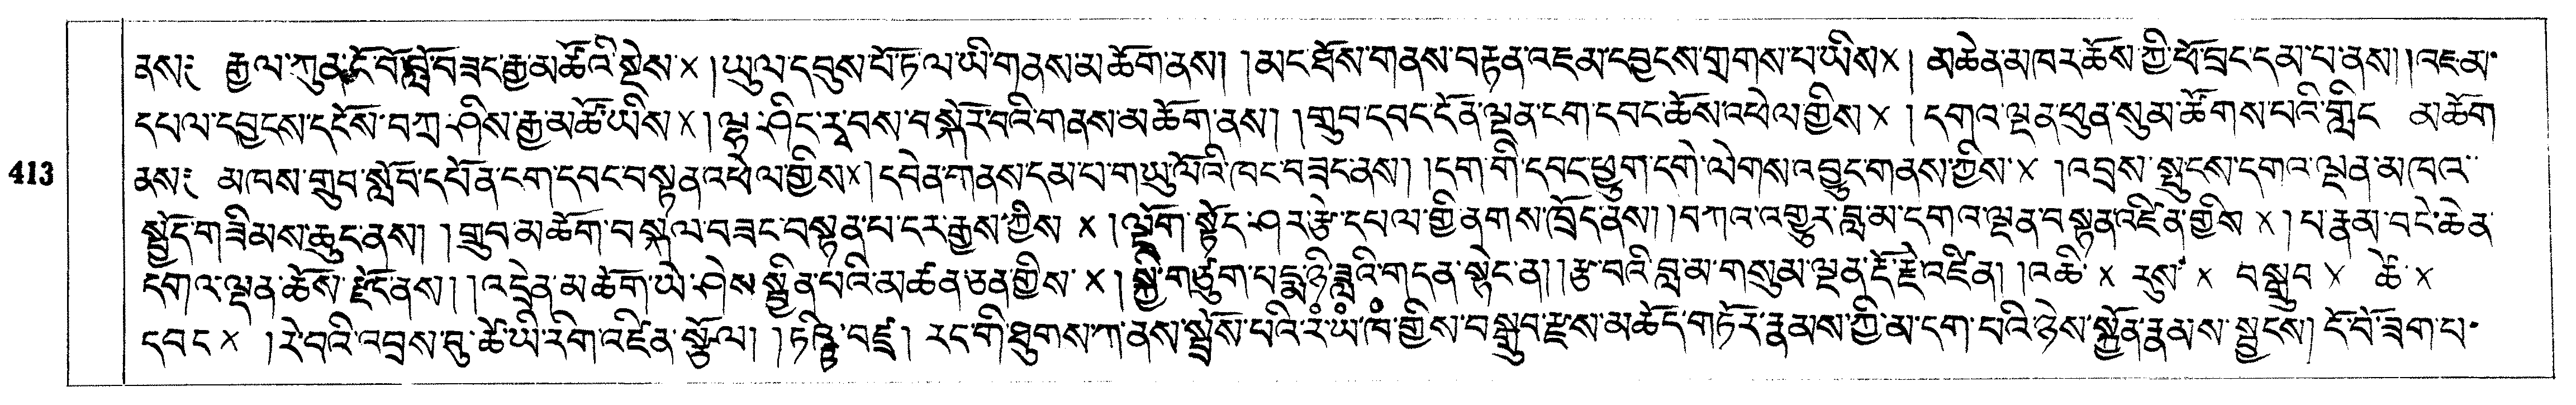ནས༑ རྒྱལ་ཀུན་ངོ་བོ་བློ་བཟང་རྒྱ་མཚོའི་སྡེས྾་།ཡུལ་དབུས་པོ་ཏ་ལ་ཡི་གནས་མཆོག་ནས། །མང་ཐོས་གནས་བརྟན་འཇམ་དབྱངས་གྲགས་པ་ཡིས྾་།མཆེན་མཁར་ཆོས་ཀྱི་ཕོ་བྲང་དམ་པ་ནས། །འཇམ་
དཔལ་དབྱངས་དངོས་བཀྲ་ཤིས་རྒྱ་མཚོ་ཡིས྾་།ལྷ་ཤིང་རྭ་བས་བསྐོར་བའི་གནས་མཆོག་ནས། །གྲུབ་དབང་དོན་ལྡན་ངག་དབང་ཆོས་འཕེལ་གྱིས྾་།དགའ་ལྡན་ཕུན་སུམ་ཚོགས་པའི་གླིང་མཆོག་
ནས༑ མཁས་གྲུབ་སློབ་དཔོན་ངག་དབང་བསྟན་འཕེལ་གྱིས྾་།དབེན་གནས་དམ་པ་གཡུ་ལོའི་ཁང་བཟང་ནས། །ངག་གི་དབང་ཕྱུག་དགེ་ལེགས་འབྱུང་གནས་ཀྱིས྾་།འབྲས་སྤུངས་དགའ་ལྡན་མཁའ་
སྤྱོད་གཟིམས་ཆུང་ནས། །གྲུབ་མཆོག་བསྐལ་བཟང་བསྟན་པ་དར་རྒྱས་ཀྱིས྾་།ལྡོག་སྟོད་ཤར་རྩེ་དཔལ་གྱི་ནགས་ཁྲོད་ནས། །བཀའ་འགྱུར་བླ་མ་དགའ་ལྡན་བསྟན་འཛིན་གྱིས྾་།པ་རྣམ་བདེ་ཆེན་
དགའ་ལྡན་ཆོས་རྫོང་ནས། །འདྲེན་མཆོག་ཡེ་ཤེས་སྦྱིན་པའི་མཚན་ཅན་གྱིས྾་།སྐྱི་གཙུག་པདམ་ཉི་ཟླའི་གདན་སྟེང་ན། །རྩ་བའི་བླ་མ་གསུམ་ལྡན་རྡོ་རྗེ་འཛིན། །འཆི྾་རུས྾་བསྒྲུབ྾་ཚེ྾་
དབང྾་།རེ་བའི་འབྲས་བུ་ཚེ་ཡི་རིག་འཛིན་སྩོལ། །ཏིཥཊཿཨ་བཛྲ། རང་གི་ཐུགས་ཀ་ནས་སྤྲོས་པའི་རཾ་ཡཾ་ཁཾ་གྱིས་བསྒྲུབ་རྫས་མཆོད་གཏོར་རྣམས་ཀྱི་མ་དག་པའི་ཉེས་སྐྱོན་རྣམས་སྦྱངས། ངོ་བོ་ཟག་པ་